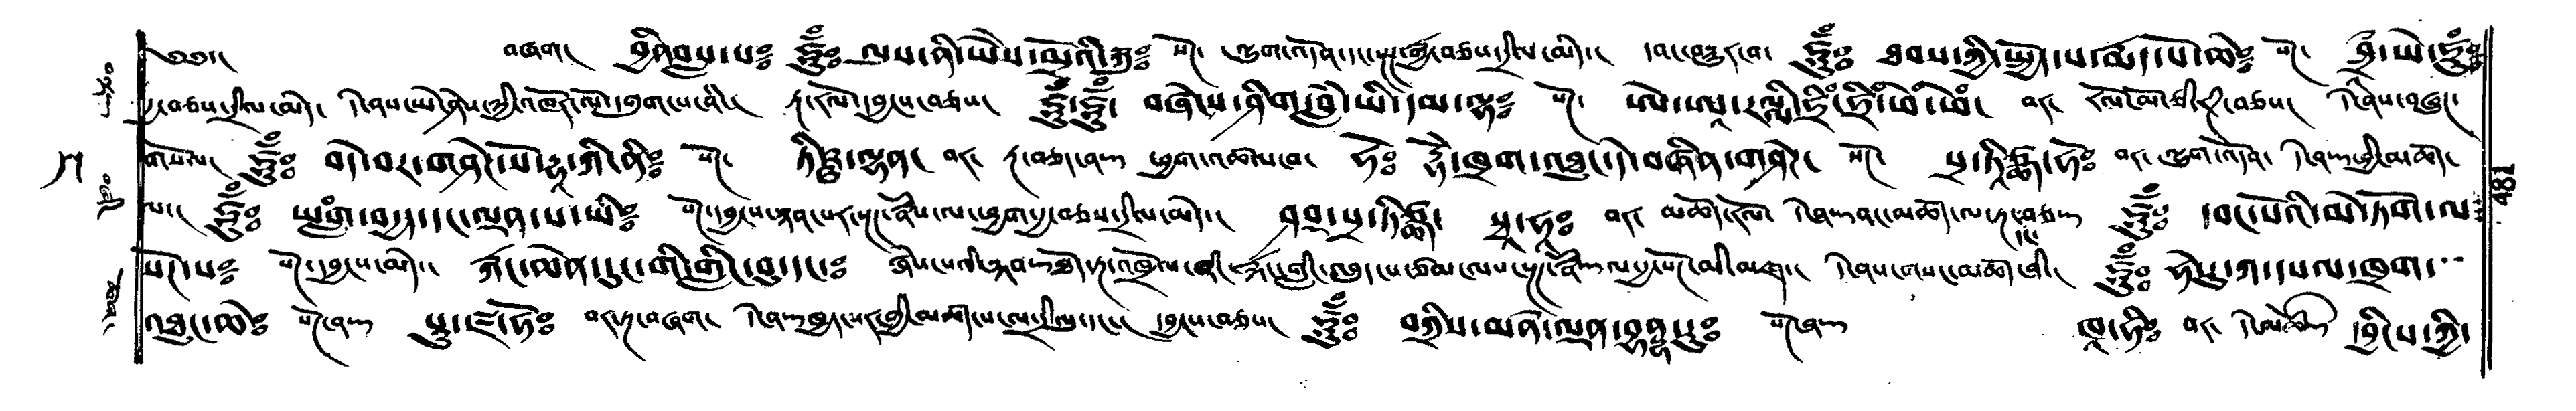གཞག བྱིན་རླབས་པ༔ ཧཱུྃ༔ ལུས་ནི་ཡེ་ཤེས་མཁའ་འགྲོའི་སྐུ༔ སོགས་ལྷུག་འདོན་དང་སྔགས་རྒྱ་བཅས་དྲིལ་མེད། དབང་བསྐུར་བ། ཧཱུྃ༔ ཐབས་ཀྱི་སྤྱོད་པ་རྨད་པོ་ཆེ༔ སོགས། ཤྲཱྀ་ཡེ་ཧཱུྃ༔ 
རྒྱ་བཅས་དྲིལ་མེད། དེ་ནས་ཡེ་ཤེས་ཀྱི་འཁོར་ལོ་དགུག་པ་ནི། རྔ་རོལ་དབྱངས་བཅས། ཧཱུྃ་ཧཱུྃ། བཞེངས་ཤིག་བླ་མ་ཡི་དམ་ལྷ༔ སོགས། ཨེ་ཨཱཿརལླི་ཧྲིཾ་ཧྲིཾ་ཕེཾ་ཕེཾ༔ བར་རོལ་མོ་ཅི་རིགས་བཅས། དེ་ནས་བཞུགས་
གསོལ། ཧཱུྃ༔ བདེ་བར་གཤེགས་སོ་དྷཱ་ཀི་ནི༔ སོགས། ཏིཥྛ་ལྷན༔ བར་རྔ་བཅད་ནས། ཕྱག་འཚལ་བ། ཧོ༔ རྡོ་རྗེ་ཁྲག་འཐུང་དེ་བཞིན་གཤེགས༴ སོགས། པྲ་ཏཱིཙྪ་ཧོ༔ བར་ལྷུག་འདོན། དེ་ནས་ཕྱི་མཆོད་
ལ། ཧཱུྃ༔ཡན་ལག་བརྒྱད་དང་ལྡན་པ་ཡི༔ སོགས་དབྱངས་སྙན་པར་སྔགས་རྣམས་ལ་ཕྱག་རྒྱ་བཅས་དྲིལ་མེད། ཤབྟ་པྲ་ཏིཙྪ༔ སྭ་ཧཱ༔ བར་མཆོད་རོལ། དེ་ནས་ནང་མཆོད་ལ་རྔ་དང་བཅས། ཧཱུྃ༔ དབང་པོའི་མེ་ཏོག་ལ་
སོགས་པ༔ སོགས་དབྱངས་མེད། རྐང་ཆེན་དུང་གི་གླིང་བུ་དང་༔ ཞེས་པའི་སྐབས་ཐོད་རྔ་འཁྲོལ་ཞིང་རྐང་གླིང་འབུད་པ་ཙམ་ལས་སྔགས་རྣམས་ལ་རྒྱ་སོགས་མི་མཛད། དེ་ནས་གསང་མཆོད་ནི། ཧཱུྃ༔ ཧེ་རུ་ཀ་དཔལ་ཁྲག་
འཐུང་ཆེ༔ སོགས་ནས། པཱུ་ཛ་ཧོ༔ བར་རྔ་གཞག དེ་ནས་ཁྱད་པར་གྱི་མཆོད་པ་ལ་དྲིལ་བུ་དང་། དབྱངས་བཅས། ཧཱུྃ༔ བཀྲ་ཤིས་མཚན་ལྡན་བྷནྡྷ་རུ༔ སོགས་ནས། ཁཱ་ཧི༔ བར། དེ་མཚམས། དབྱིངས་ཀྱི་